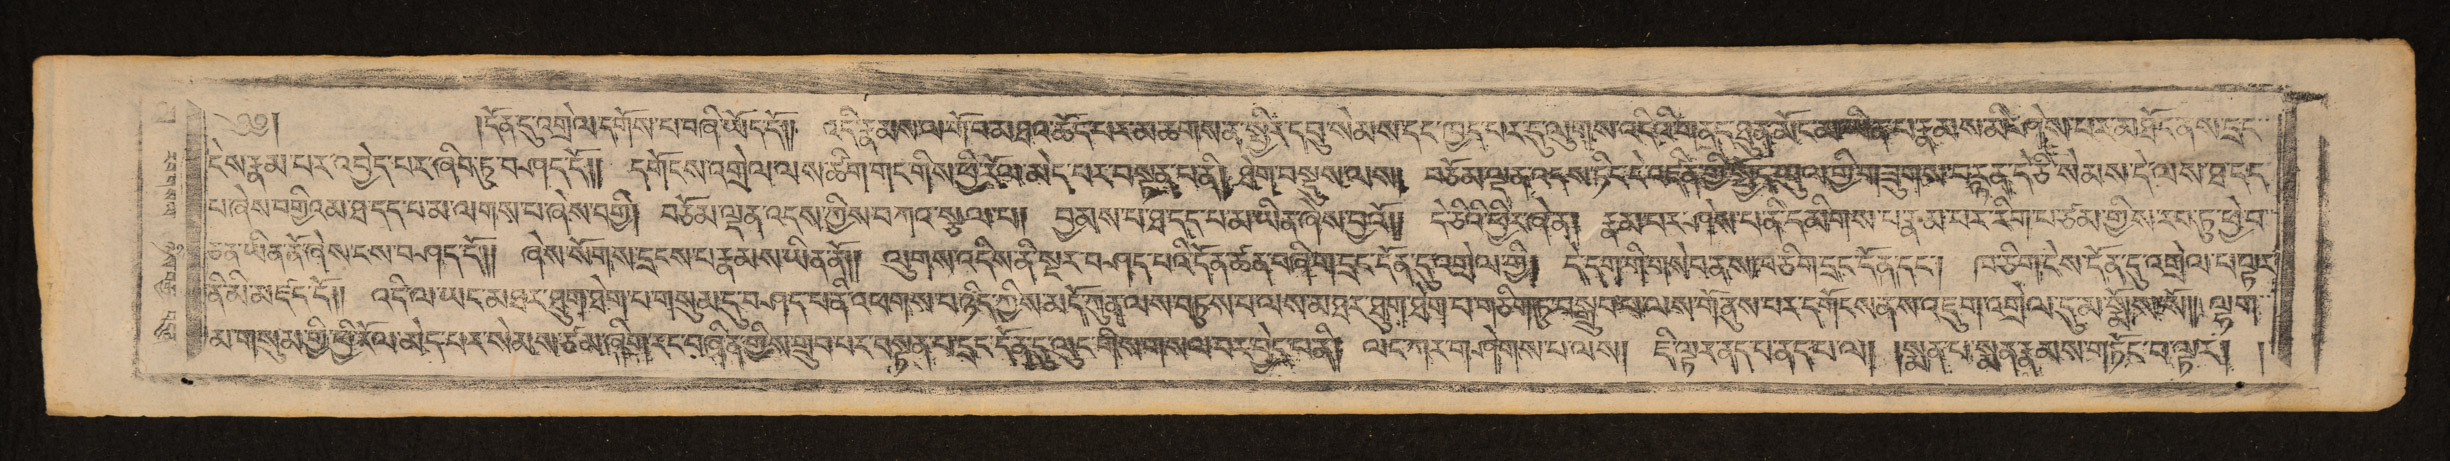༄༅། །དོན་དུ་འགྲེལ་དགོས་པ་བཞི་ཡོད་དོ།། འདི་རྣམས་ལ་གོ་བ་མཐའ་ཆོད་པར་མ་ཆགས་ན་སྤྱིར་དབུ་སེམས་དང་ཁྱད་པར་དུ་ལུགས་འདིའི་གནད་ཐུན་མོང་མ་ཡིན་པ་རྣམས་མི་ཤེས་པར་མཐོང་ནས་དྲང་
ངེས་རྣམ་པར་འབྱེད་པར་ཞིབ་ཏུ་བཤད་དོ།། དགོངས་འགྲེལ་ལས་ཚིག་གང་གིས་ཕྱི་རོལ་མེད་པར་བསྟན་པ་ནི། ཐེག་བསྡུས་ལས། བཅོམ་ལྡན་འདས་ཏིང་ངེ་འཛིན་གྱི་སྤྱོད་ཡུལ་གྱི་གཟུགས་བརྙན་དེ་ཅི་སེམས་དེ་ལས་ཐ་དད་
པ་ཞེས་བགྱིའམ་ཐ་དད་པ་མ་ལགས་པ་ཞེས་བགྱི། བཅོམ་ལྡན་འདས་ཀྱིས་བཀའ་སྩལ་པ། བྱམས་པ་ཐ་དད་པ་མ་ཡིན་ཞེས་བྱའོ།། དེ་ཅིའི་ཕྱིར་ཞེ་ན། རྣམ་པར་ཤེས་པ་ནི་དམིགས་པ་རྣམ་པར་རིག་པ་ཙམ་གྱིས་རབ་ཏུ་ཕྱེ་བ་
ཅན་ཡིན་ནོ་ཞེས་ངེས་བཤད་དོ།། ཞེས་སོགས་དྲངས་པ་རྣམས་ཡིན་ནོ།། ལུགས་འདིས་ནི་སྔར་བཤད་པའི་དོན་ཚན་བཞི་ག་དྲང་དོན་དུ་འགྲེལ་གྱི། དེ་དག་གི་གསེབ་ནས་ཁ་ཅིག་དྲང་དོན་དང་། ཁ་ཅིག་ངེས་དོན་དུ་འགྲེལ་པ་ལྟར་
ནི་མི་མཛད་དོ།། འདི་ལ་ཡང་མཐར་ཐུག་ཐེག་པ་གསུམ་དུ་བཤད་པ་ནི་འཕགས་པ་ཉིད་ཀྱིས་མདོ་ཀུན་ལས་བཏུས་པ་ལས་མཐར་ཐུག་ཐེག་པ་གཅིག་ཏུ་བསྒྲུབ་པ་ལས་གོ་ནུས་པར་དགོངས་ནས་འཇུག་འགྲེལ་དུ་མ་སྨོས་སོ།། ལྷག་
མ་གསུམ་གྱི་ཕྱི་རོལ་མེད་པར་སེམས་ཙམ་ཞིག་རང་བཞིན་གྱིས་གྲུབ་པར་བསྟན་པ་དྲང་དོན་དུ་ལུང་གིས་གསལ་བར་བྱེད་པ་ནི། ལང་ཀར་གཤེགས་པ་ལས། ཇི་ལྟར་ནད་པ་ནད་པ་ལ། །སྨན་པ་སྨན་རྣམས་གཏོང་བ་ལྟར།།